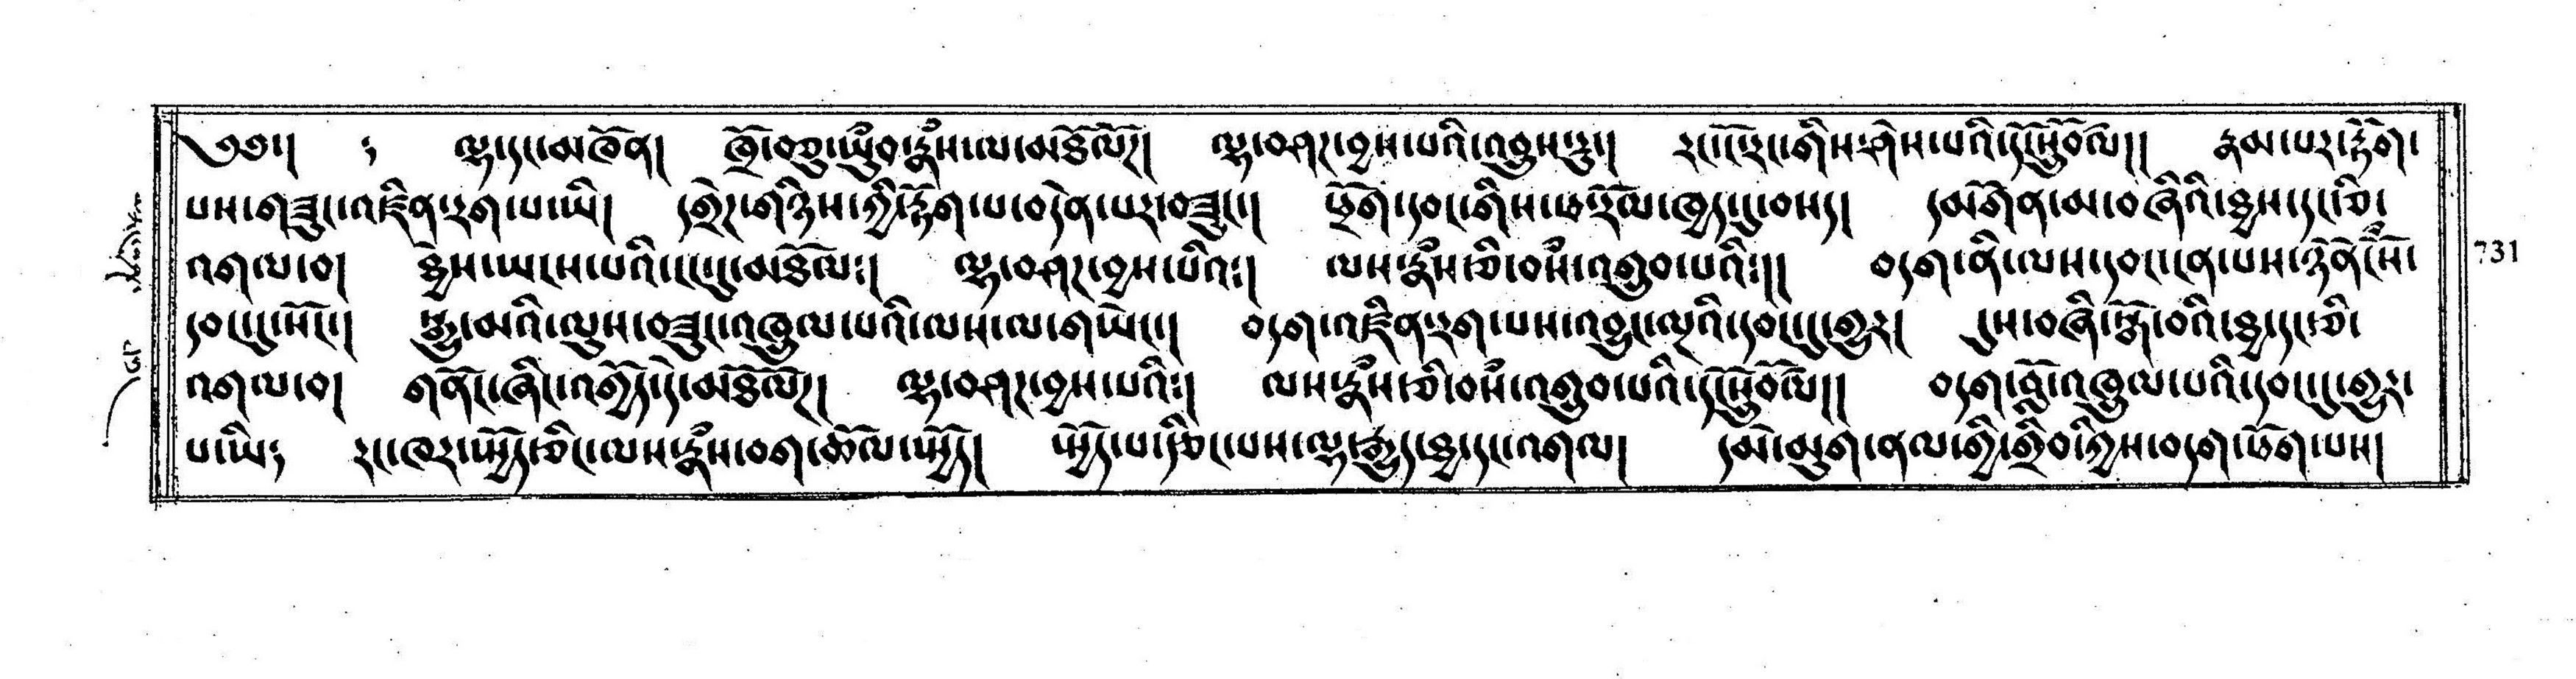ལྷ་དང་མཁོན། ཁྲོ་བཅུ་ཡབ་ཡུམ་རྣམས་ལ་མཐོལ་ལོ་བཤགས། ལྷ་བཤགས་བྱས་པའི་འབྲས་བུ་རུ། རང་ངོ་རང་གིས་ཤེས་པའི་དངོས་གྲུབ་སྩོལ།། རྣམ་པར་རྟོག་
པས་གཟུང་འཛིན་རག་པ་ཡི། དགྲ་བགེགས་གཉིས་ཀྱི་རྟོག་པ་བདེན་པར་བཟུང་། ཕྲག་དོག་དབང་གིས་ཕ་རོལ་ཁྱད་དུ་བསད། དམག་དཔོན་མ་བཞིའི་ཐུགས་དང་ཅི་
འགལ་བ། ཐུགས་རྗེ་ཡངས་པའི་ངང་དུ་མཐོལ༴། ལྷ་བཤགས་བྱས་པའི༴། ལས་རྣམས་ཅི་བསམ་འགྲུབ་པའི༴།། བདག་ནི་ལས་དབང་ངན་པས་ཉོན་མོངས་
དབང་དུ་སོང་། སྒྱུ་མའི་ལུས་བཟུང་འཁྲུལ་པའི་ལས་ལ་གཡེང་། བདག་འཛིན་རག་པས་འབྱུང་ལྔའི་དབང་དུ་གྱུར། དུས་བཞི་སྒོ་བའི་ཐུགས་དང་ཅི་
འགལ་བ། གནོང་ཞིང་འགྱོད་དེ་མཐོལ་ལོ་བཤགས། ལྷ་བཤགས་བྱས་པའི༴། ལས་རྣམས་ཅི་བསམ་འགྲུབ་པའི་དངོས་གྲུབ་སྩོལ།། བདག་བློ་འཁྲུལ་པའི་དབང་དུ་གྱུར་
པ་ཡི། རང་ཁར་སྤྱོད་ཅིང་ལས་རྣམས་བག་ཆོལ་སྤྱོད། སྤྱོད་པ་རྩིང་པས་ལྷ་རྒྱུད་ཐུགས་དང་འགལ། དམེ་མུག་ནལ་གྱི་གྲིབ་ཀྱིས་བདག་ཕོག་པས།